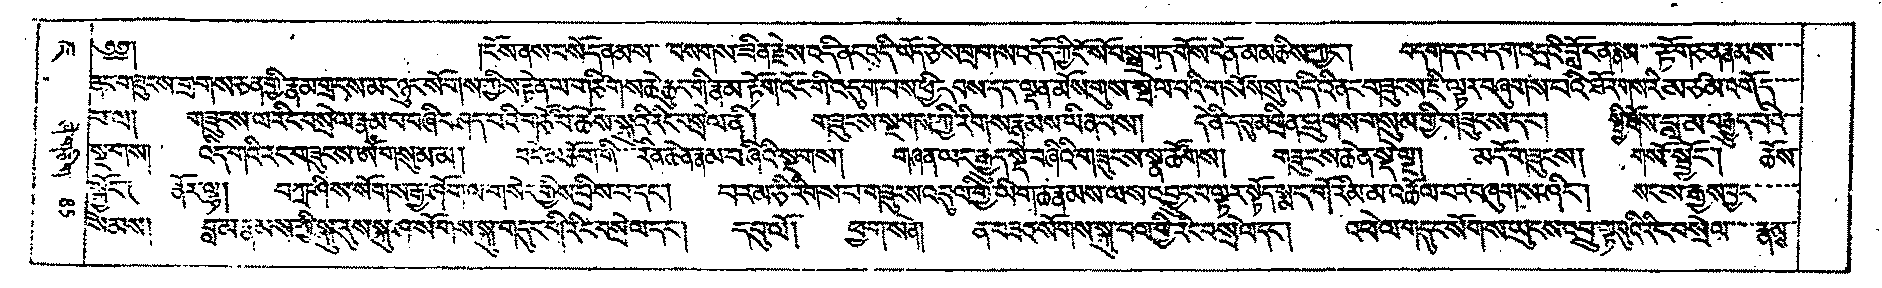༄༅། །ངོས་ནས་བསོད་ནམས་བསགས་ཟིན་རྗེས་འདི་ནང་འདི་ཡོད་ཅེས་གྲགས་འདོད་ཀྱི་ངོ་སོ་བསྒྲག་དགོས་དོན་མ་མཆིས་ཀྱང་། བདག་དང་བདག་འདྲའི་བློ་ངན་རྣམ་རྟོག་ཅན་རྣམས་
ནང་གཟུངས་གྲགས་ཅན་གྱི་རྣམ་གྲངས་མང་ཉུང་སོགས་ཀྱིས་རྟེན་ལ་གཙིགས་ཆེ་ཆུང་གི་རྣམ་རྟོག་འོང་གི་འདུག་པས་ཕྱི་རབས་དད་ལྡན་མོས་གུས་སྤེལ་བའི་གསོས་སུ་འདིའི་ནང་གཟུངས་ཇི་ལྟར་བཞུགས་པའི་ཐོ་རགས་རིམ་ཙམ་འགོད་
པ་ལ། གཟུངས་ལ་རིང་བསྲེལ་རྣམ་པ་བཞི་བཤད་པའི་གཙོ་བོ་ཆོས་སྐུའི་རིང་བསྲེལ་ནི། གཟུངས་སྔགས་ཀྱི་རིགས་རྣམས་ཡིན་པས། དེ་ནི་དབུ་མགྲིན་ཐུགས་གསུམ་གྱི་གཟུངས་དང་། སྤྱི་སྒོས་བླ་མ་བརྒྱུད་པའི་
སྔགས། འདི་གའི་རང་གཟུངས་ཨོཾ་གསུམ་མ། བདེ་མཆོག་གི་རིན་ཆེན་རྣམ་བཞིའི་སྔགས། གཞན་ཡང་རྒྱུད་སྡེ་བཞིའི་གཟུངས་སྣ་ཚོགས། གཟུངས་ཆེན་སྡེ་ལྔ། མདོ་གཟུངས། གསོ་སྦྱོང་། ཆོས་
སྐྱོང་། ནོར་ལྷ། བཀྲ་ཤིས་སོགས་རྒྱ་ཤོག་ལ་གསེར་གྱིས་བྲིས་པ་དང་། བར་མ་ཅི་རིགས་པ་གཟུངས་འབུལ་གྱི་ཡིག་ཆ་རྣམས་ལས་འབྱུང་བ་ལྟར་སྟོད་སྨད་གོ་རིམ་མ་འཆོལ་བར་བཞུགས་ཤིང་། སངས་རྒྱས་བྱང་
སེམས། བླ་མ་རྣམས་ཀྱི་སྐུ་རུས་སྐུ་ཤ་སོགས་སྐུ་གདུང་གི་རིང་བསྲེལ་དང་། དབུ་ལོ། ཕྱག་སེན། ན་བཟའ་སོགས་སྐུ་བལ་གྱི་རིང་བསྲེལ་དང་། འཕེལ་གདུང་སོགས་ཡུངས་འབྲུ་ལྟ་བུའི་རིང་བསྲེལ་རྣམས་